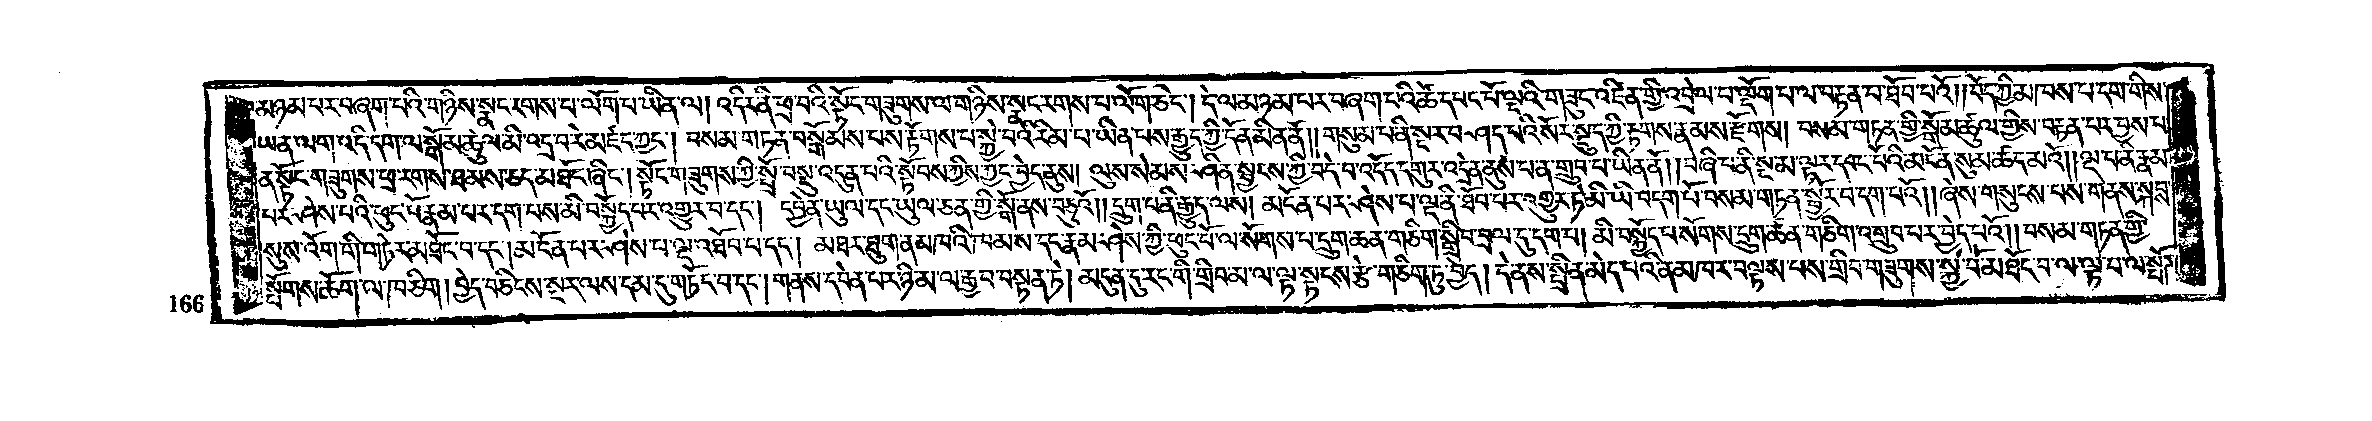མཉམ་པར་བཞག་པའི་གཉིས་སྣང་རགས་པ་ལོག་པ་ཡིན་ལ། འདིར་ནི་ཕྲ་བའི་སྟོང་གཟུགས་ལ་གཉིས་སྣང་རགས་པ་ལོག་ཅིང་། དེ་ལ་མཉམ་པར་བཞག་པའི་ཚེ་དབང་པོ་ལྔའི་གཟུང་འཛིན་གྱི་འབྲེལ་བ་ལྡོག་པ་ལ་བརྟན་པ་ཐོབ་པའོ། །བོད་ཀྱི་མཁས་པ་དག་གིས་
ཡན་ལག་འདི་དག་ལ་སྒོམ་ཚུལ་མི་འདྲ་བ་རེ་མཛད་ཀྱང་། བསམ་གཏན་བསྒོམས་པས་རྟོགས་པ་སྐྱེ་བའི་རིམ་པ་ཡིན་པས་རྒྱུད་ཀྱི་དོན་མིན་ནོ། །གསུམ་པ་ནི་སྔར་བཤད་པའི་སོར་སྡུད་ཀྱི་རྟགས་རྣམས་རྫོགས། བསམ་གཏན་གྱི་སྒོམ་ཚུལ་གྱིས་བརྟན་པར་བྱས་པ་
ན་སྟོང་གཟུགས་ཕྲ་རགས་ཐམས་ཅད་མཐོང་ཞིང་། སྟོང་གཟུགས་ཀྱི་སྤྲོ་བསྡུ་འདུན་པའི་སྟོབས་ཀྱིས་ཀྱང་བྱེད་ནུས། ལུས་སེམས་ཤིན་སྦྱངས་ཀྱི་བདེ་བ་འདོད་དགུར་འདྲེན་ནུས་པ་ན་གྲུབ་པ་ཡིན་ནོ། །བཞི་པ་ནི་སྔ་མ་ལྟར་དབང་པོའི་མངོན་སུམ་ཚད་མའོ། །ལྔ་པ་ནི་རྣམ་
པར་ཤེས་པའི་ཕུང་པོ་རྣམ་པར་དག་པས་མི་བསྐྱོད་པར་འགྱུར་བ་དང་། དབྱེ་ན་ཡུལ་དང་ཡུལ་ཅན་གྱི་སྒོ་ནས་བཅུའོ། །དྲུག་པ་ནི་རྒྱུད་ལས། མངོན་པར་ཤེས་པ་ལྔ་ནི་ཐོབ་པར་འགྱུར་ཏེ་མི་ཡི་བདག་པོ་བསམ་གཏན་སྦྱོར་བ་དག་པའོ། །ཞེས་གསུངས་པས་གནས་སྐབས་
སུས་འོག་གི་གཏེར་མཐོང་བ་དང་། མངོན་པར་ཤེས་པ་ལྔ་འཐོབ་པ་དང་། མཐར་ཐུག་ནམ་མཁའི་ཁམས་དང་རྣམ་ཤེས་ཀྱི་ཕུང་པོ་ལ་སོགས་པ་དྲུག་ཆན་གཅིག་སྒྲིབ་བྲལ་དུ་དག་པ། མི་བསྐྱེད་པ་སོགས་དྲུག་ཚན་གཅིག་འགྲུབ་པར་བྱེད་པའོ། །བསམ་གཏན་གྱི་
སྤོགས་ཆོག་ལ་ཁ་ཅིག །བྱེད་བཅིངས་སྔར་ལས་དམ་དུ་གཏོང་བ་དང་། གནས་དབེན་པར་ཉི་མ་ལ་རྒྱབ་བསྟན་ཏེ། མདུན་དུ་རང་གི་གྲིབ་མ་ལ་ལྟ་སྟངས་རྩེ་གཅིག་ཏུ་བྱེད། དེ་ནས་སྤྲིན་མེད་པའི་ནམ་མཁར་བལྟས་པས་གྲིབ་གཟུགས་སྐྱེ་བོ་མཐོང་བ་ལ་ལྟ་བ་ལ་སྤོགས་